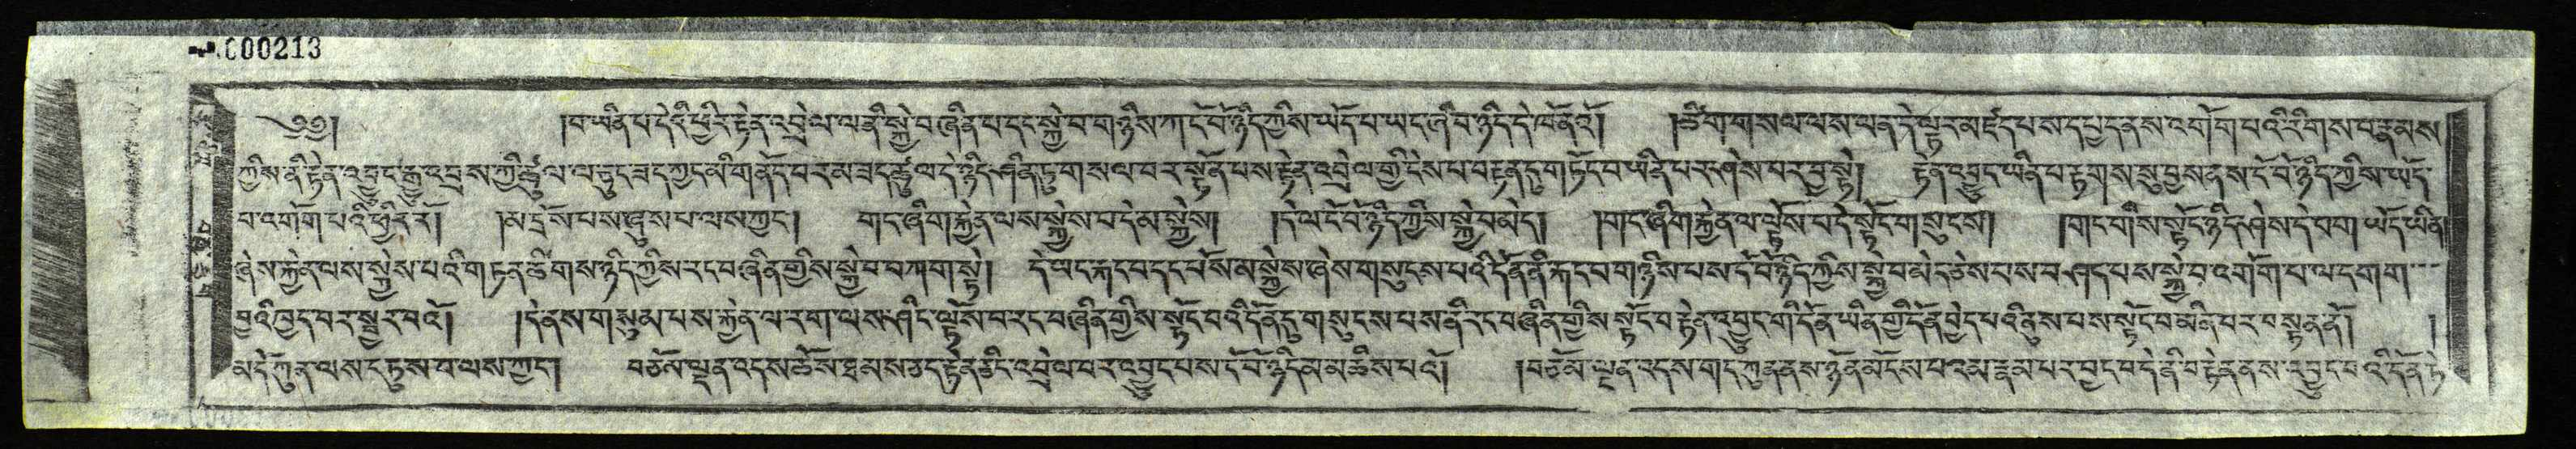༄༅། །བ་ཡིན་པ་དེའི་ཕྱིར་རྟེན་འབྲེལ་ལ་ནི་སྐྱེ་བཞིན་པ་དང་སྐྱེ་བ་གཉིས་ཀ་ངོ་བོ་ཉིད་ཀྱིས་ཡོད་པ་ཡང་ཞི་བ་ཉིད་དེ་ཁོ་ནའོ། །ཚིག་གསལ་ལས་ལན་དེ་ལྟར་མཛད་པས་དཔྱད་ནས་འགོག་བའི་རིགས་པ་རྣམས་
ཀྱིས་ནི་རྟེན་འབྱུང་རྒྱུ་འབྲས་ཀྱི་ཚུལ་ལ་ཅུང་ཟད་ཀྱང་མི་གནོད་བར་མ་ཟད་ཚུལ་དེ་ཉིད་ཤིན་ཏུ་གསལ་བར་སྟོན་པས་རྟེན་འབྲེལ་གྱི་ངེས་པ་བརྟན་དུ་གཏོང་བ་ཡིན་པར་ཤེས་པར་བྱ་སྟེ། རྟེན་འབྱུང་ཡིན་པ་རྟགས་སུ་བྱས་ནས་ངོ་བོ་ཉིད་ཀྱིས་ཡོད་
པ་འགོག་པའི་ཕྱིར་རོ། །མ་དྲོས་པས་ཞུས་པ་ལས་ཀྱང་། གང་ཞིག་རྐྱེན་ལས་སྐྱེས་པ་དེ་མ་སྐྱེས། །དེ་ལ་ངོ་བོ་ཉིད་ཀྱིས་སྐྱེ་བ་མེད། །གང་ཞིག་རྐྱེན་ལ་ལྟོས་པ་དེ་སྟོང་གསུངས། །གང་གིས་སྟོང་ཉིད་ཤེས་དེ་བག་ཡོད་ཡིན།
ཞེས་རྐྱེན་ལས་སྐྱེས་པའི་གཏན་ཚིགས་ཉིད་ཀྱིས་རང་བཞིན་གྱིས་སྐྱེ་བ་བཀག་སྟེ། དེ་ཡང་རྐང་བ་དང་པོས་མ་སྐྱེས་ཞེས་གསུངས་པའི་དོན་ནི་རྐང་པ་གཉིས་པས་ངོ་བོ་ཉིད་ཀྱིས་སྐྱེ་བ་མེད་ཅེས་པས་བཤད་པས་སྐྱེ་བ་འགོག་པ་ལ་དགག་
བྱའི་ཁྱད་པར་སྦྱར་བའོ། །དེ་ནས་གསུམ་པས་རྐྱེན་ལ་རག་ལས་ཤིང་ལྟོས་པ་རང་བཞིན་གྱིས་སྟོང་བའི་དོན་དུ་གསུངས་པས་ནི་རང་བཞིན་གྱིས་སྟོང་བ་རྟེན་འབྱུང་གི་དོན་ཡིན་གྱི་དོན་བྱེད་པའི་ནུས་པས་སྟོང་པ་མིན་པར་བསྟན་ནོ། །
མདོ་ཀུན་ལས་བཏུས་བ་ལས་ཀྱང་། བཅོམ་ལྡན་འདས་ཆོས་ཐམས་ཅད་རྟེན་ཅིང་འབྲེལ་བར་འབྱུང་པས་ངོ་བོ་ཉིད་མ་མཆིས་པའོ། །བཅོམ་ལྡན་འདས་གང་ཀུན་ནས་ཉོན་མོངས་པའམ་རྣམ་པར་བྱད་བ་དེ་ནི་བརྟེན་ནས་འབྱུང་བའི་དོན་ཏེ་